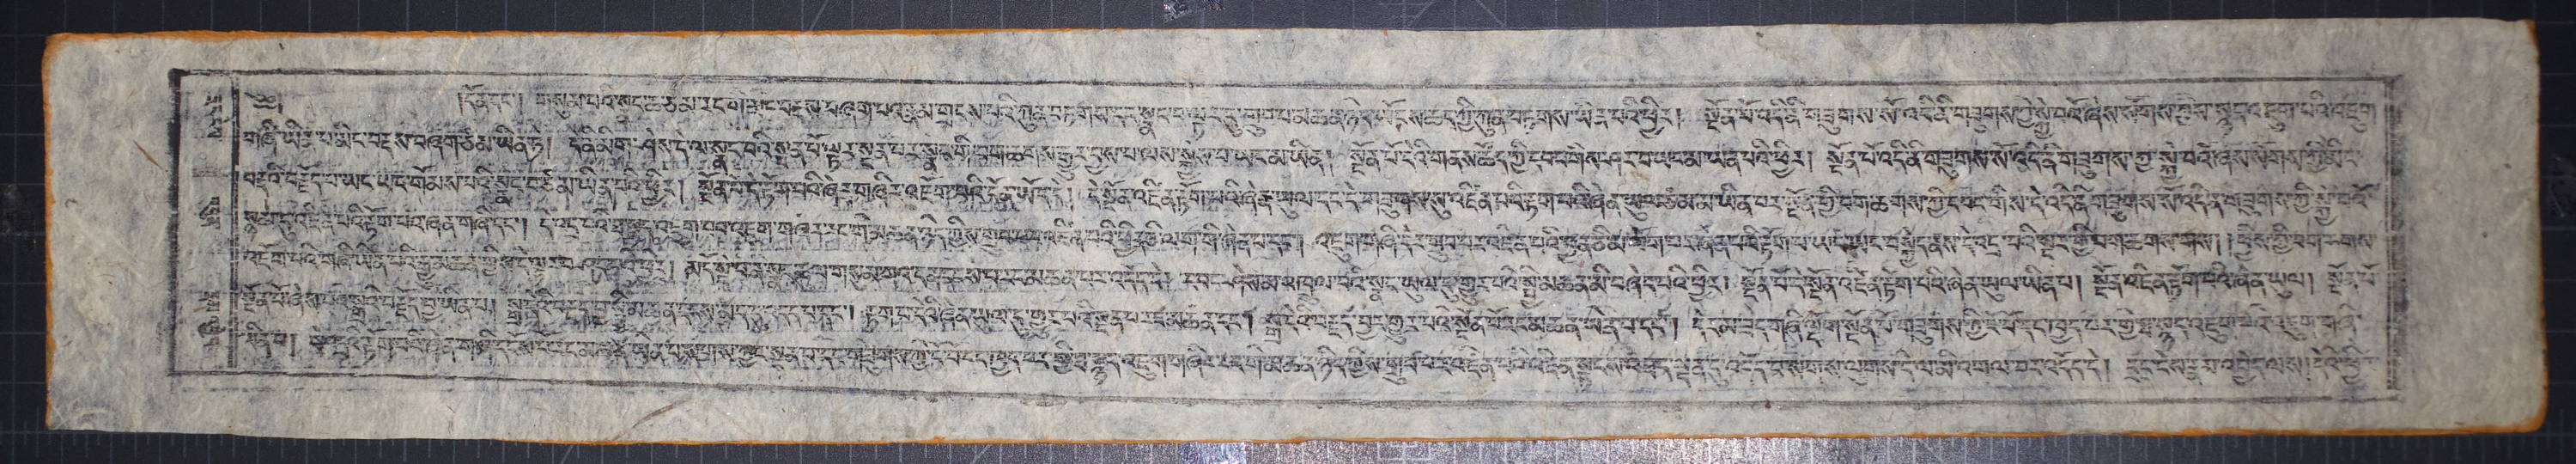༄༅། །དོན་དང་། གསུམ་པའི་སྣང་ཆ་ཙམ་རང་གི་མིང་བརྡས་བཞག་པའི་རྣམ་གྲངས་པའི་ཀུན་བཏགས་དང་སྣང་བ་ལྟར་དུ་གྲུབ་པ་མཚན་ཉིད་ཡོངས་ཆད་ཀྱི་ཀུན་བཏགས་ཡིན་བའི་ཕྱིར། སྔོན་པོ་འདི་ནི་གཟུགས་སོ་འདི་ནི་གཟུགས་ཀྱི་སྐྱེ་བའོ་ཞེས་སོགས་ཀྱིས་ཐ་སྙད་འཇུག་པའི་འཇུག་
གཞི་ཡིན་པ་མིང་བརྡས་བཞག་ཙམ་ཡིན་ཏེ། དེ་ནི་མིག་ཤེས་དེ་ལ་སྣང་བའི་སྔོན་པོ་ལྟར་སྔོན་པོར་སྣང་གི་བག་ཆགས་རྒྱུར་བྱས་པ་ལས་སྐྱེས་པ་ཡང་མ་ཡིན། སྔོན་པོ་དེའི་གནས་ཚོད་ཀྱི་དབང་གིས་ཤར་བ་ཡང་མ་ཡིན་པའི་ཕྱིར། སྔོན་པོ་འདི་ནི་གཟུགས་སོ་འདི་ནི་གཟུགས་ཀྱི་སྐྱེ་བའོ་ཞེས་སོགས་ཀྱི་མིང་
བརྡའི་བརྗོད་པ་ཡང་ཡང་གོམས་པའི་སྣང་བ་ཙམ་ཡིན་པའི་ཕྱིར། སྔོན་པོ་དེ་རྟོག་པའི་ཞེན་གཞིར་འཇོག་པའི་དོན་ཡོད་དེ། དེ་སྔོན་འཛིན་རྟོག་པའི་ཞེན་ཡུལ་དང་དེ་གཟུགས་སུ་འཛིན་པའི་རྟོག་པའི་ཞེན་ཡུལ་ཙམ་མ་ཡིན་པར་སྔོན་གྱི་བག་ཆགས་ཀྱི་དབང་གིས་དེ་འདི་ནི་གཟུགས་སོ་འདི་ནི་གཟུགས་ཀྱི་སྐྱེ་བའོ།
སྙམ་དུ་འཛིན་པའི་རྟོག་པའི་ཞེན་གཞི་དང་། དེ་འདྲ་བའི་ཐ་སྙད་འཇུག་པའི་འཇུག་གཞིར་རང་གི་མཚན་ཉིད་ཀྱིས་གྲུབ་པར་འཛིན་པའི་ཕྱིན་ཅི་ལོག་གི་ཞེན་པ་དང་། འཇུག་གཞི་དེར་གྲུབ་པར་འཛིན་པའི་ཕྱིན་ཅི་མ་ལོག་པར་ཞེན་པའི་རྟོག་པ་ཡང་ཡང་བསྐྱེད་ནས་དེ་འདྲ་བའི་སྔར་གྱི་བག་ཆགས་གིས། །ཕྱིས་ཀྱི་བག་ཆགས་
འཇོག་པའི་གཞི་ཡིན་པའི་རྒྱུ་མཚན་གྱིས་དེ་ལྟར་བཤད་པའི་ཕྱིར། མདོ་སྡེ་པ་ནི་སྣང་ཚུལ་གསུམ་གའི་དོན་དངོས་པོ་རང་མཚན་པར་འདོད་དེ། དབང་ཤེས་མ་འཁྲུལ་བའི་སྣང་ཡུལ་དུ་གྱུར་པའི་སྤྱི་མཚན་མི་བཞེད་པའི་ཕྱིར། སྔོན་པོ་དེ་སྔོན་འཛིན་རྟོག་པའི་ཞེན་ཡུལ་ཡིན་པ། སྔོན་འཛིན་རྟོག་པའི་ཞེན་ཡུལ། སྔོན་པོ་
སྔོན་པོ་ཞེས་པའི་སྒྲའི་བརྗོད་བྱ་ཡིན་པ། སྒྲ་དེའི་བརྗོད་བྱ་སྤྱི་མཚན་དངོས་མེད་དུ་འདོད་པ་དང་། རྟོག་པ་དེའི་ཞེན་ཡུལ་དུ་གྱུར་པའི་སྔོན་པོ་རང་མཚན་དང་། སྒྲ་དེའི་བརྗོད་བྱར་གྱུར་པའི་སྔོན་པོ་རང་མཚན་ཡིན་པ་དང་། དེར་མ་ཟད་གཞི་ལྡོག་སྔོན་པོ་གཟུགས་ཀྱི་ངོ་བོ་དང་ཁྱད་པར་གྱི་ཐ་སྙད་འཇུག་པའི་འཇུག་གཞི་
ཡིན་པ། དེ་འདྲའི་རྟོག་པའི་ཞེན་གཞི་དངོས་པོ་རང་མཚན་ཡིན་པ་སོགས་ཀྱང་སྔོན་པོ་དང་གཟུགས་ཀྱི་ངོ་བོ་དང་ཁྱད་པར་གྱི་ཐ་སྙད་འཇུག་གཞིར་རང་གི་མཚན་ཉིད་ཀྱིས་གྲུབ་པར་འཛིན་པའི་འཛིན་སྟངས་འཐད་ལྡན་དུ་འདོད་པ་སོགས་ལུགས་དེ་ལ་མི་འགལ་བར་འདོད་དེ། དྲང་ངེས་རྣམ་འབྱེད་ལས། དེའི་ཕྱིར་